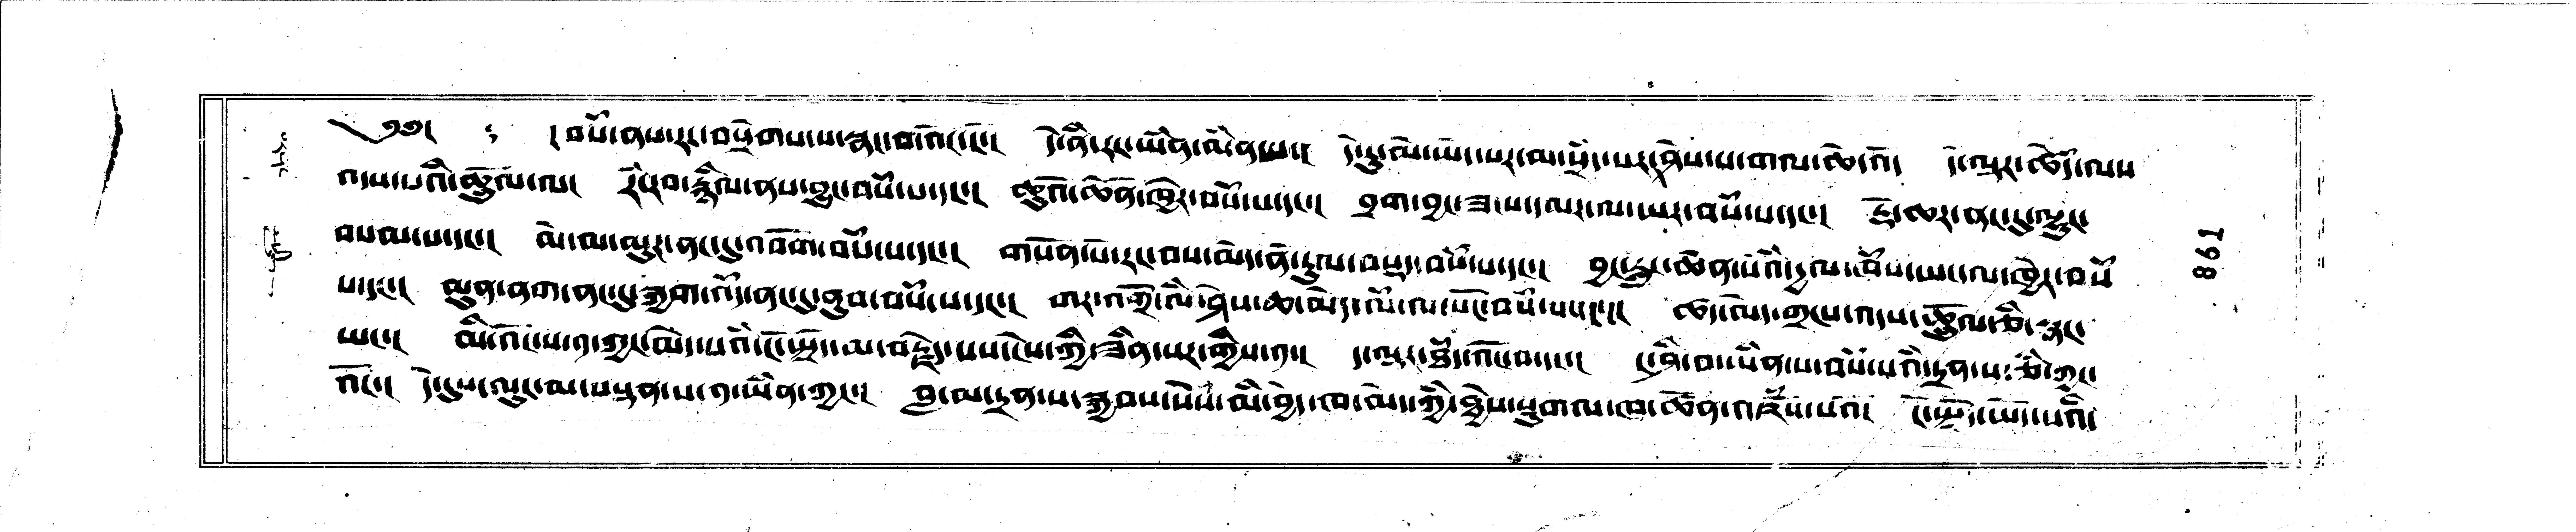བསམ་ནས་རང་བསྲེགས་པ་སྣང་བ་འོང་ངོ་། །དེ་ནི་རང་ཡིན་མིན་པ། དེ་རུ་མེ་ཡོད་པར་མི་སྲིད་པར་ཤེས་པ་གལ་ཆེའོ། །དེ་ལྟར་ཚད་མེད་ལས་
འདས་པའི་ཆོ་འཕྲུལ་ལ། རི་རབ་སྙིལ་ནས་བྱུང་བསམ་པ་དང་། ཆུའོ་ཆེན་པོས་ཁྱེར་བསམ་པ་དང་། བྲག་བྱང་ཟང་དམར་ལ་ཡར་བསམ་པ་དང་། རྡོ་ཆར་ནང་དུ་ལྷུང་
བསམ་པ་དང་། མེ་མ་མུར་ནང་དུ་འབོག་བསམ་པ་དང་། གསོན་པོ་རང་བས་མེད་ནོ་རུལ་བསྡད་བསམ་པ་དང་། བྱང་རླུང་ཆེན་པོས་རྒྱལ་ཁམས་ཡང་ལ་ཁྱེར་བསམ་
པ་དང་། མུན་ནག་ནང་དུ་སྐྱག་འདམ་ནང་དུ་ནུབ་བསམ་པ་དང་། གར་འགྲོ་མི་ཤེས་ཆ་མེད་ལམ་ལ་སོང་བསམ་པ་དང་། ཚད་མེད་གྲངས་འདས་ཆོ་འཕྲུལ་ཅི་སྣང་
ཡང་། མི་འོང་ས་གཅིག་ཀྱང་མེད་པས་ངོ་སྤྲོད་མ་བརྗེད་པས་ངོས་ཟིན་པར་གྱིས་ཅིག དེ་ལྟར་ཐམས་ཅད་འོང་བ་དང་། ང་ཤི་བ་ཡིན་པ་བསམ་པའི་དྲན་པ་ཅིས་ཀྱང་
འོང་། དེ་དུས་ལུང་མ་བསྟན་པ་གཅིག་ཡིན་ཀྱང་། བླ་མ་དྲན་པ་སྐྱབས་སེམས་མི་བྱེད་ཁ་མེད་ཀྱི་ཐུགས་རྗེས་སྡུག་བསྔལ་ཁ་ཚོན་འཇོམས་པའོ། །ངོ་སྤྲོད་ཡོད་པའི་